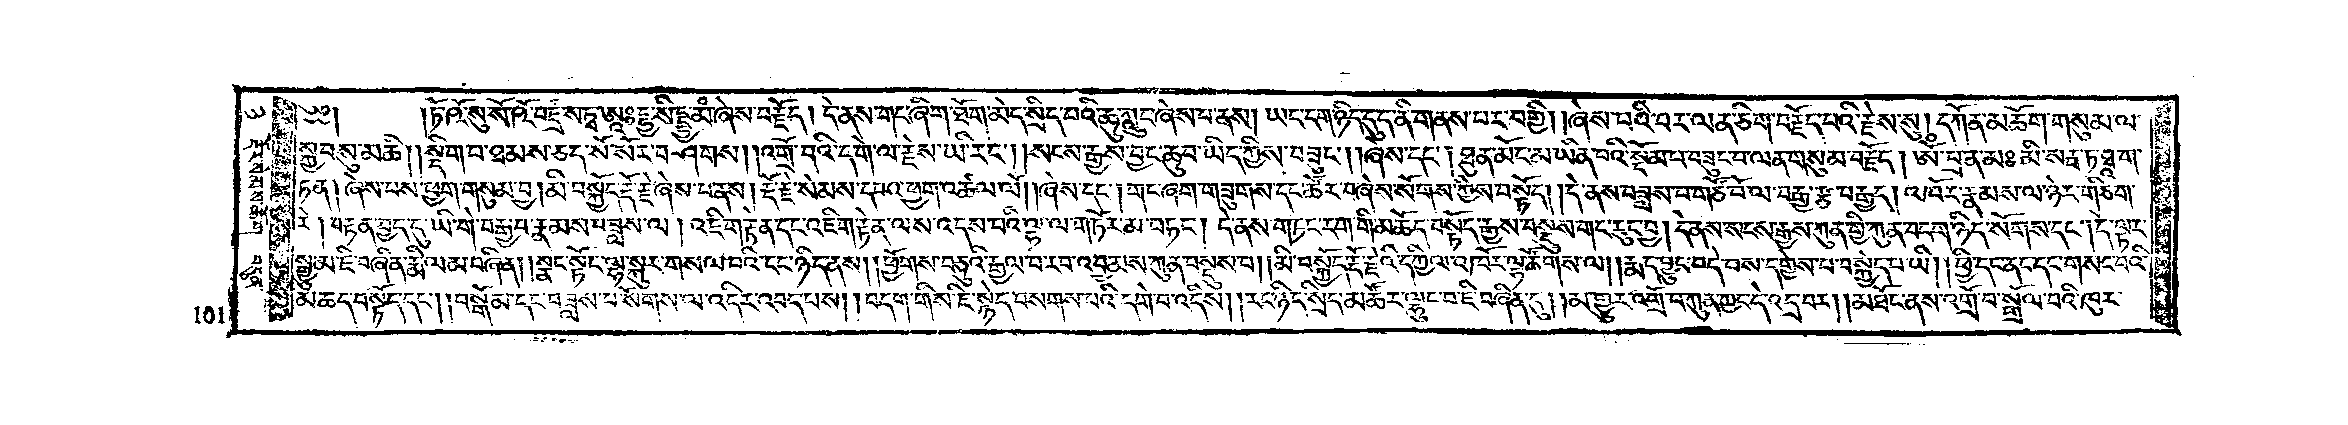༄༅། །ཏོ་ཥོ་སུ་སེ་ཥོ་བཛྲ་སཏྭ་ཨཱཿ དྷྱ་སི་དྡྷྱ་མཾ་ཞེས་བརྗོད། དེ་ནས་གང་ཞིག་ཐོག་མེད་སྲིད་པའི་ཆུ་ཀླུང་ཞེས་པ་ནས། ཡང་དག་ཉིད་དུ་ད་ནི་གནས་པར་བགྱི། །ཞེས་པའི་བར་ལན་ཅིག་བརྗོད་པའི་རྗེས་སུ། དཀོན་མཆོག་གསུམ་ལ་
སྐྱབས་སུ་མཆི། །སྡིག་པ་ཐམས་ཅད་སོ་སོར་བཤགས། །འགྲོ་བའི་དགེ་ལ་རྗེས་ཡི་རང་། །སངས་རྒྱས་བྱང་ཆུབ་ཡིད་ཀྱིས་བཟུང་། །ཞེས་དང་། ཐུན་མོང་མ་ཡིན་པའི་སྡོམ་པ་བཟུང་བ་ལན་གསུམ་བརྗོད། ཨོཾ་པྲ་ན་མཿ མི་སརྦ་ཏ་ཐཱ་ག་
ཏན། ཞེས་པས་ཕྱག་གསུམ་བྱ། མི་བསྐྱོད་རྡོ་རྗེ་ཞེས་པ་ནས། རྡོ་རྗེ་སེམས་དཔའ་ཕྱག་འཚལ་ལོ། །ཞེས་དང་། གང་ཞིག་གཟུགས་དང་ཚོར་བ་ཞེས་སོགས་ཀྱིས་བསྟོད། །དེ་ནས་བཟླས་པ་གཙོ་བོ་ལ་བརྒྱ་རྩ་བརྒྱད། འཁོར་རྣམས་ལ་ཉེར་གཅི་
ངེ། བརྟན་བྱང་དུ་ཡི་གེ་བརྒྱབ་རྣམས་བཟླས་ལ། འཇིག་རྟེན་དང་འཇིག་རྟེན་ལས་འདས་པའི་ལྷ་ལ་གཏོར་མ་བཏང་། དེ་ནས་གཏང་རག་གི་མཆོད་བསྟོད་རྒྱས་བསྡུས་གང་རུང་བྱ། དེ་ནས་སངས་རྒྱས་ཀུན་གྱི་ཀུན་བདག་ཉིད་སོགས་དང་། དེ་ལྟར་
སྒྱུ་མ་ཇི་བཞིན་རྨི་ལམ་བཞིན། །སྣང་སྟོང་ལྷ་སྐུར་གསལ་བའི་ངང་ཉིད་ནས། །ཕྱོགས་བཅུའི་རྒྱལ་བ་རབ་འབྱམས་ཀུན་བསྡུས་པ། །མི་བསྐྱོད་རྡོ་རྗེའི་དཀྱིལ་འཁོར་ལྷ་ཚོགས་ལ། །རྨད་བྱུང་བདེ་བས་དགྱེས་པ་བསྐྱེད་པ་ཡི། །ཕྱི་དང་ནང་དང་གསང་བའི་
མཆད་བསྟོད་དང་། །བསྒོམ་དང་བཟླས་པ་སོགས་ལ་འདིར་འབད་པས། །བདག་གིས་ཇི་སྙེད་བསགས་པའི་དགེ་བ་འདིས། །རང་ཉིད་སྲིད་མཚོར་ལྷུང་བ་ཇི་བཞིན་དུ། །མ་གྱུར་འགྲོ་བ་ཀུན་ཀྱང་དེ་འདྲ་བར། །མཐོང་ནས་འགྲོ་བ་སྒྲོལ་བའི་ཁུར་